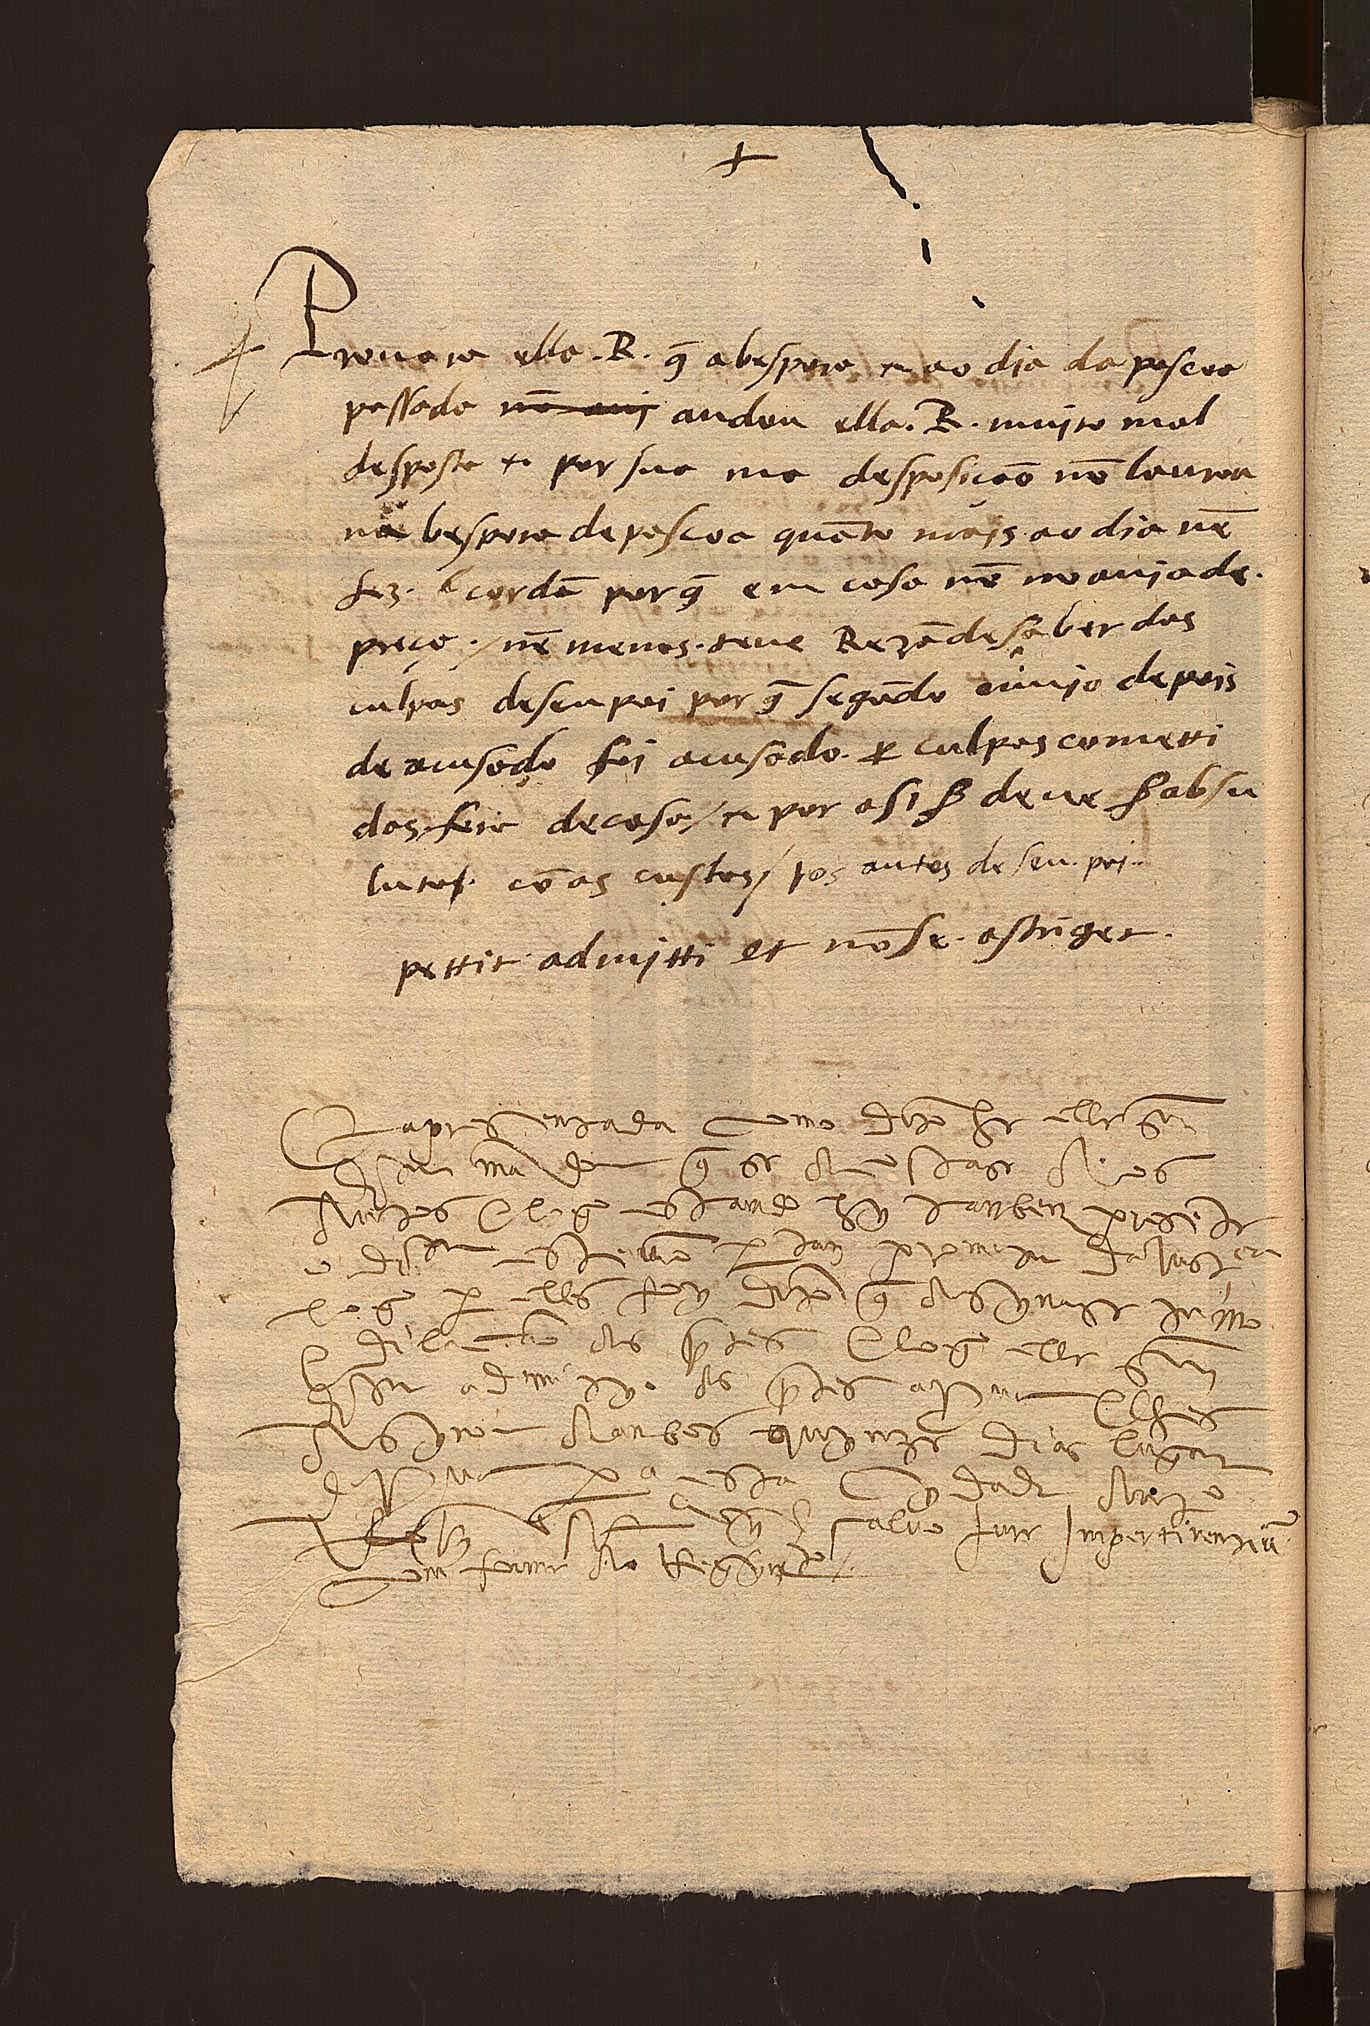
4 Prouara ella .R. q̄ a bespora e ao dia da pascoa
passada nō auj andou ella .R. mujto mal
desposta e por sua ma desposiçaõ nō laurou
na bespora de pascoa quāto majs ao dia nē
fez. cordā porq̄ em casa nō no auja de
preço ./ nēmenos. teue Rezā de saber das
culpas de seu pai porq̄ segūdo ouujo depois
de acusado foi acusado. ꝑ culpas cometti
das fora de casa / e por asi ꞩ deue ꞩ absu
luta /. cō as custas / os autos de seu paj.
pettit admijtti et nō se astrīget.
E apresentada como dito he elle s̄or
dtor m̄adou q̄ se Acostase Aos
Autos e logo estamdo hy tanbem presēte
o dtor esteūao Ltam prometor da Justça
logo ꝑ elles foy ditō q̄ Asynase termo
e dilacão As p̄tes e logo elle sōr
dtor ademityo As p̄tes a ꝓua e lhes
Asynou A anbos quynze dias lugar
de ꝓua ꝑa esta Cydade Anto
Roj̄z o spivy saluo Jure Impertinentiā
Comforme Ao Regymto
